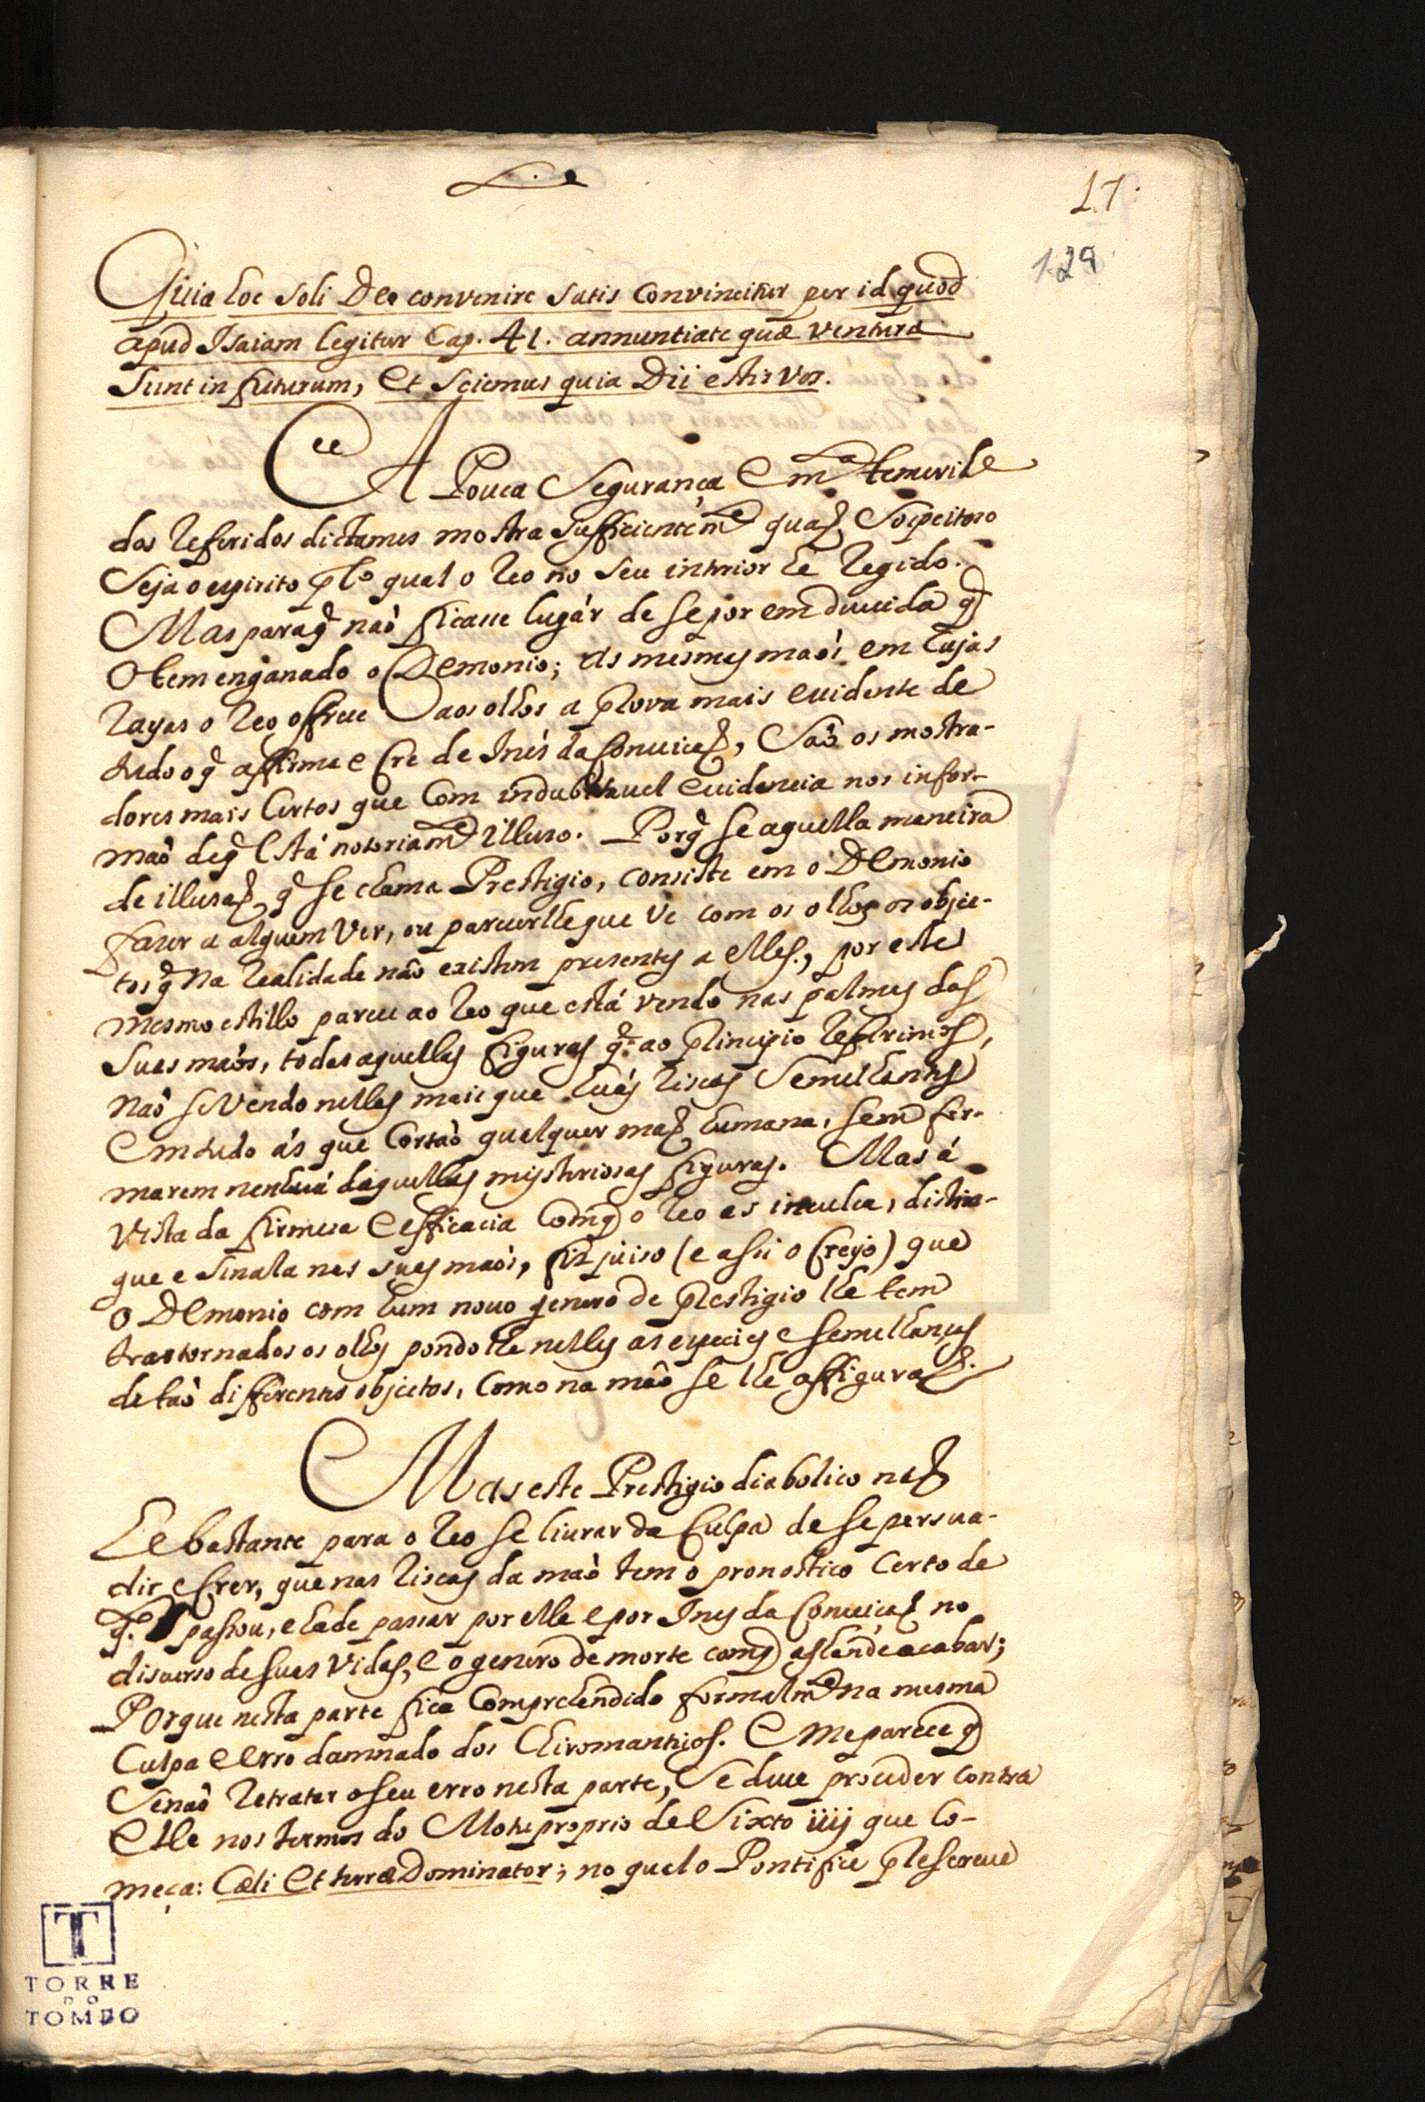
17.
Quia hoc soli Deo convenire satis convincitur per idquod
apud Isaiam legitur Cap. 41. annuntiate quæ ventura
sunt in futurum, et sciemus quia Dii estis vos.
A Pouca Segurança e m.to temeride
dos Referidos dictames mostra sufficientemte quaõ Sospeitoso
Seja o espirito plo qual o Reo no seu interior hé Regido.
Mas para q̄ naõ ficasse lugar de se por em duuida q̄
O tem enganado o Demonio; as mesmas maõs em cujas
Rayas o Reo offrece aos olhos a pRova mais euidente de
tudo o q̄ affirma, e Cre de Ines da Conceiçaõ, Saõ os mostra
dores mais Certos que Com indubitauel euidencia nos infor
maõ de q̄ Está notoriamte illuzo. Porq̄ se aquella maneira
de illusaõ, q̄ se chama Prestigio, consiste em o Demonio
fazer a alguem ver, ou parecerlhe que ve com os olhos os objec
tos q̄ na Realidade naõ existem presentes a elles, por este
mesmo estillo parece ao Reo que está vendo nas palmes das
Suas maõs, todas aquellas figuras q̄ ao principio Referimos,
naõ se vendo nelles mais que huās Riscas Semelhantes
Em tudo ás que Cortaõ qualquer maõ humana: sem for
marem nenhuā daquellas mystoriosas figuras. Mas á
vista da firmesa E efficacia Com q̄ o Reo as inculca, distin
gue e sinala nas suas maõs, fiz juiso (e assi o Creyo) que
O Demonio com hum nouo genero de prestigio lhe tem
trastornado os olhos pondolhe nelles as especies e semelhanças
de taõ differentes objectos, como na maõ se lhe affiguraõ.
Mas este Prestigio diabolico naõ
he bastante para o Reo se liurar da Culpa de se persua
dir e Crer, que nas Riscas da maõ tem o pronostico certo de
q.to passou, e hade passar por elle e por Ines da Conceiçaõ no
discurso de suas vidas, e o genero de morte com q̄ as hande acabar;
Porque nesta parte fico Comprehendido formalmte na mesma
Culpa e erro damnado dos Chiromanticos. E me parece q̄
Se naõ Retratar o seu erro nesta parte, Se deue proceder contra
elle nos termos do Motu proprio de Sixto iiij que co
meça: Cœli et terræ Dominator; na qual o Pontifice pRescreue
